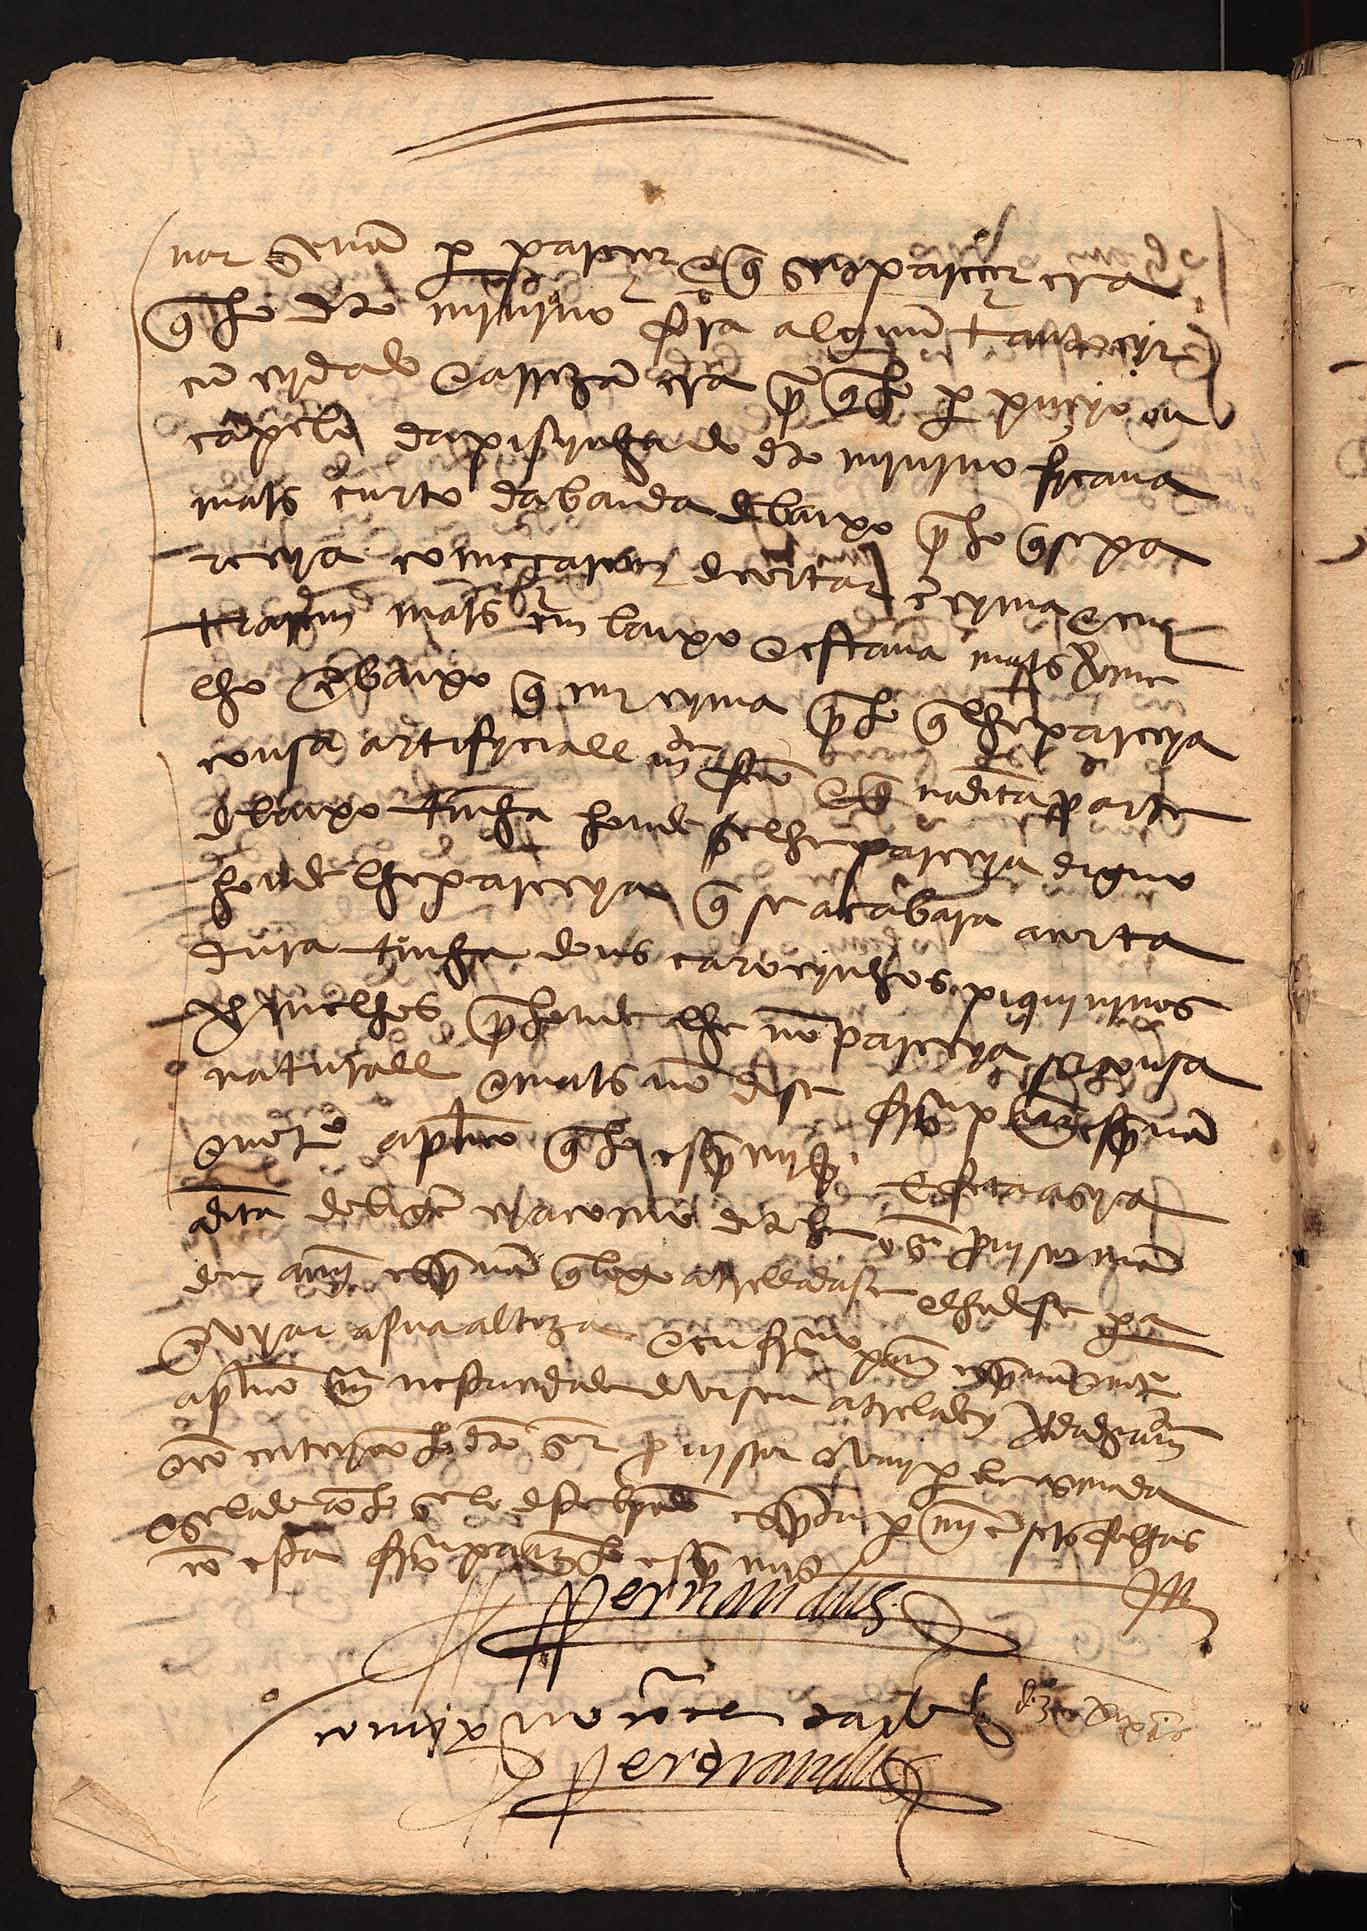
nar senā ꝑ pareçer e q̄ seu pareçer era
q̄ ho dito mjnjno fora alguū tanto cyr
cūcydado e a rrezā era p̄oq̄ ho ꝑpuçyo ou
capelo da pisynha do dto mjnjno fjcaua
majs curto da banda de baixo p̄ ho q̄ se pa
recya começarem de cortar ē cyma e em
trarem majs em baixo e estaua majs ꝟme
lho ē baixo q̄ em cyma p̄ ho q̄ lhe parecya
cousa artifyciallmte fc̄o e q̄ na dita parte
de baixo tinha honde se lhe parecya diguo
honde lhe parecya q̄ se acabara a corta
dura tinha dous carocynhos piqujnjnos
ꝟmelhos p̄ honde lhe nō parecya ser cousa
naturall e majs nō dise
frrco pāaz sp̄uā
e noto ap̄lico q̄ ho esp̄uy
E feta asy a
dita deligēcya como dito he o s̄r ꝓujsor mā
dou a mj̄ esp̄uā q̄ logo a trelladase e lhe dese ꝑa
ēvyar a sua alteza e eu frco pāiz esp̄uā e noto
aplīco mor nesta cydade de viseu a treladey ꝟdadjramte
e c̄ocertey c̄o ho dt̄o s̄or ꝓujssor e vay p̄ ele asynada
e selado c̄o ho selo deste bp̄ado esp̄ta ꝑ m̄j ē sejs folhas
c̄o esta frrco paāz ho esp̄uy
ffernandus
comjguo cōcertado
dez xix r̄s
ffernandus
